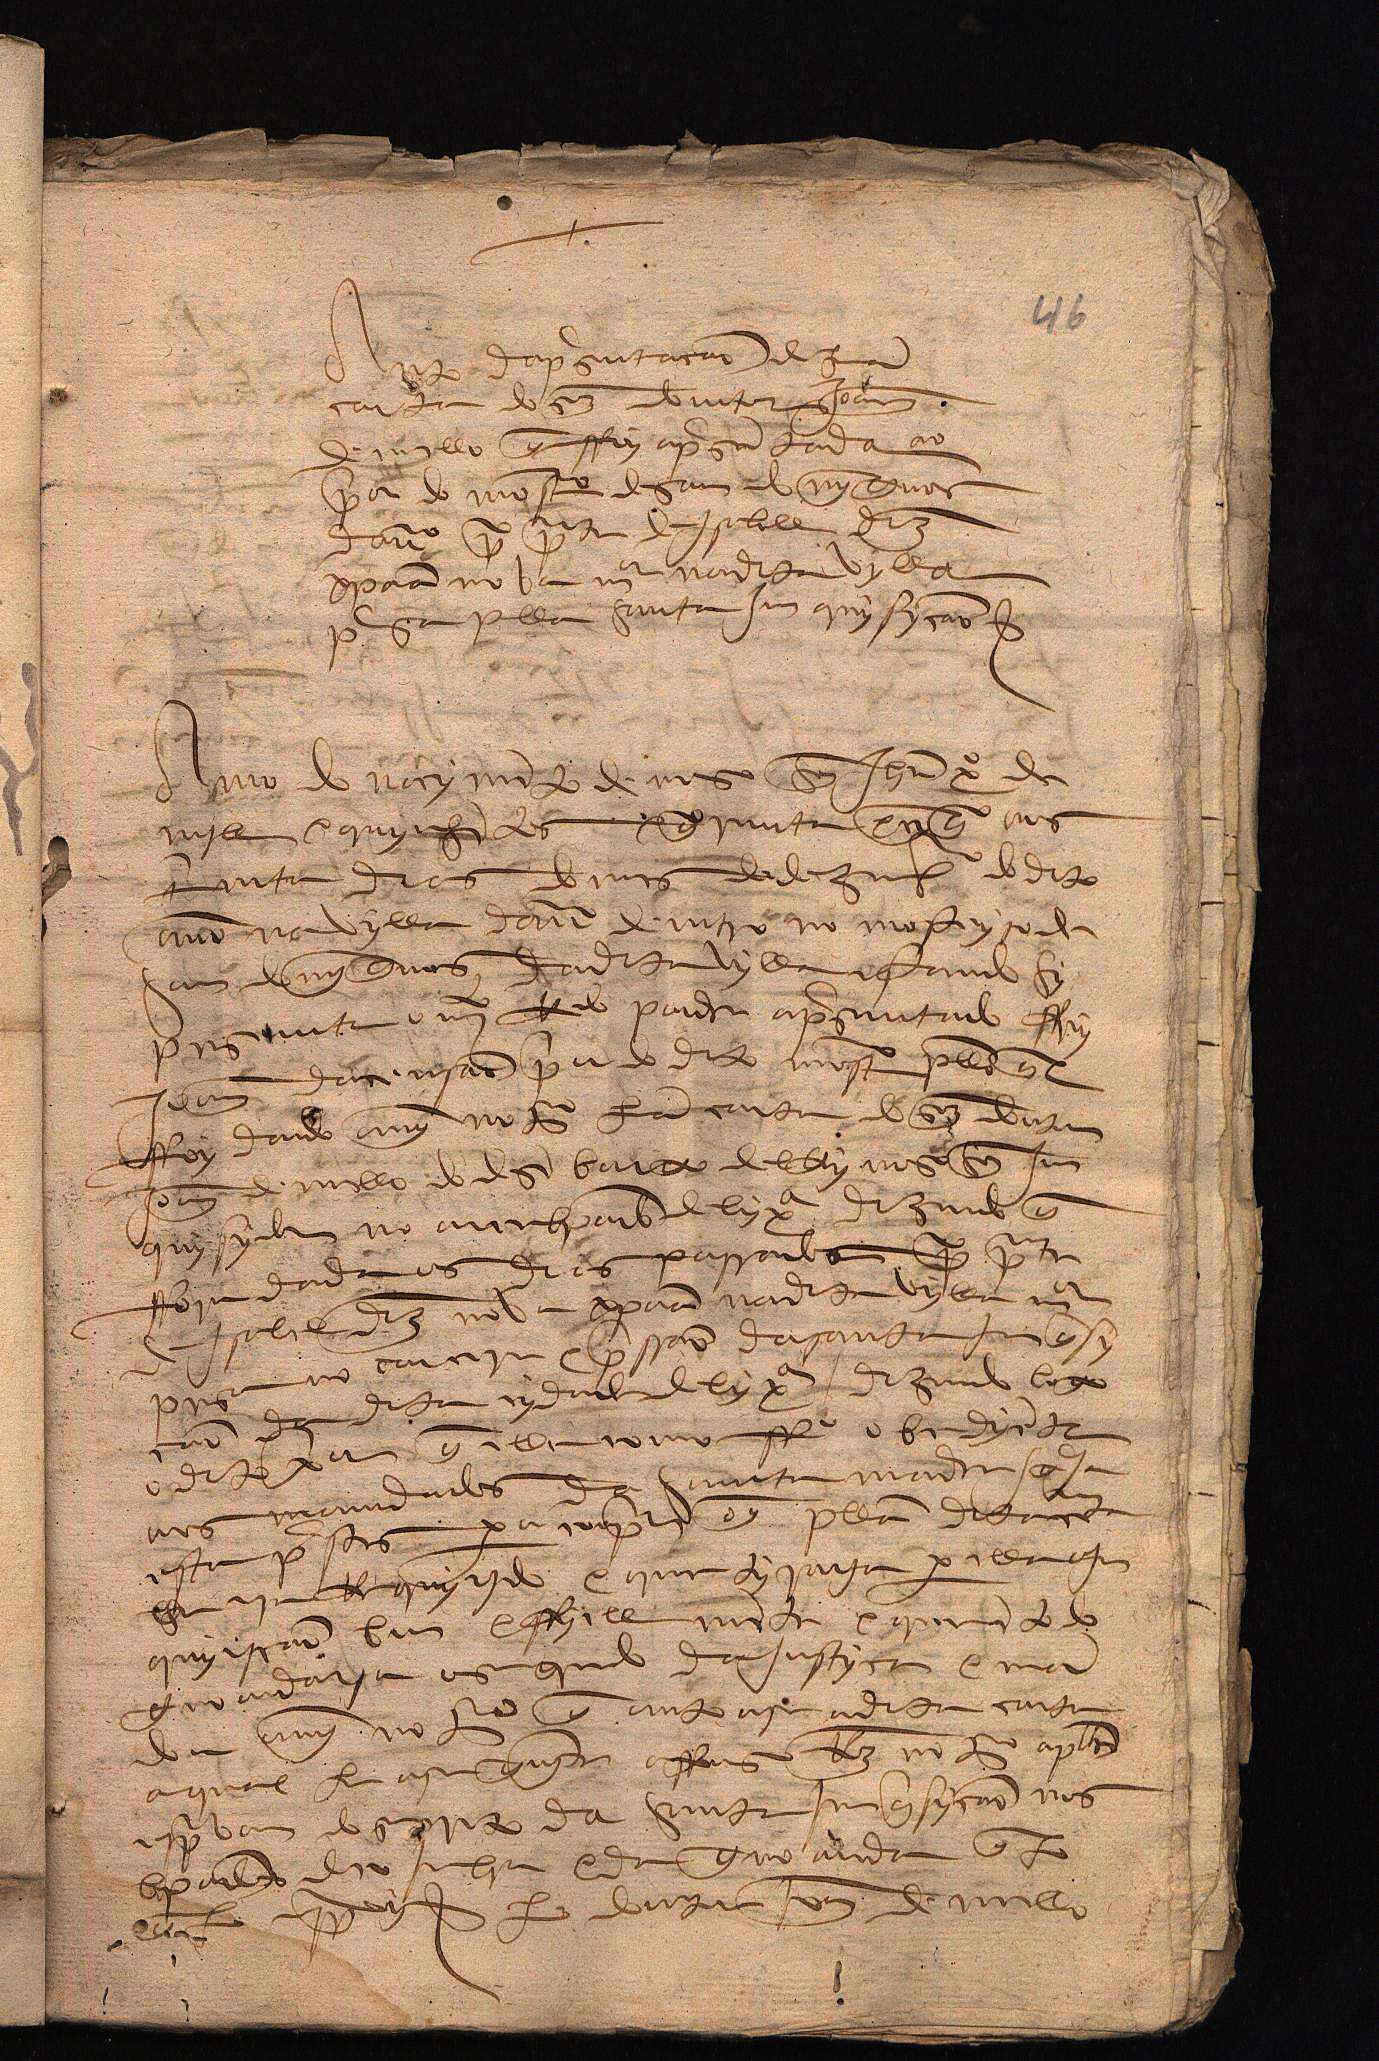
Auto dap̄sentacão de huā
carta do s̄or douctor Joam
de mello q̄ ffoy ap̄sētada ao
pior do mostro de sam dom̄jguos
dauro p̄o p̄te de Jsabell dīz
xpaā nova mor na dita vylla
p̄sa pella santa Jmquysycão
Anno do nacymēto de noso S̄or Jhū xo de
mjll e quynhētos e qoremta e c̄yqo aos
timta dias do mes de dezenbro do dito
an̄o na vylla dauro demtro no mosteyro de
Sam dom̄jguos da dita vylla estando hy
presemte o mto Rdo padre ap̄semtado ffrey
Joam dacensão pior do dito mostro p̄llo q̄l
ffoy dado a m̄j notro huā carta do s̄or doutor
Joam de mello do desēbargo del Rey noso S̄or Jm
quysydor no arcebp̄ado de lyxa dizemdo q̄
ffora dada os dias passados p̄o p̄te
de Jsabel d̄iz nova xpāa na dita vylla mor
presa no carcere e p̄ssão da santa Jmq̄sy
cão da dita cydade de lyxa / dizemdo logo
o dito pior q̄ elle como ffo obedyēte
aos mamdados da Samta madre JḡJa
esta p̄stes ꝑa comp̄r o q̄ pllā dita c̄ta
lhe era Requyrjdo e que tyrarja ꝑ ella a Jm
quyrjcão bem e ffyellmēte e que ē todo
guoardarja o segredo da Justyca e mā
dou a m̄j notro q̄ autoase a dita carta
a qual he a segūjte affonso R̄oz notro ap̄llco
esp̄vam do secreto da Santa Jmqisycão nos
bpad̄os de coJmbra e da guoarda q̄ ho
q̄ ho esp̄vy S ho doutor Joam de mello
